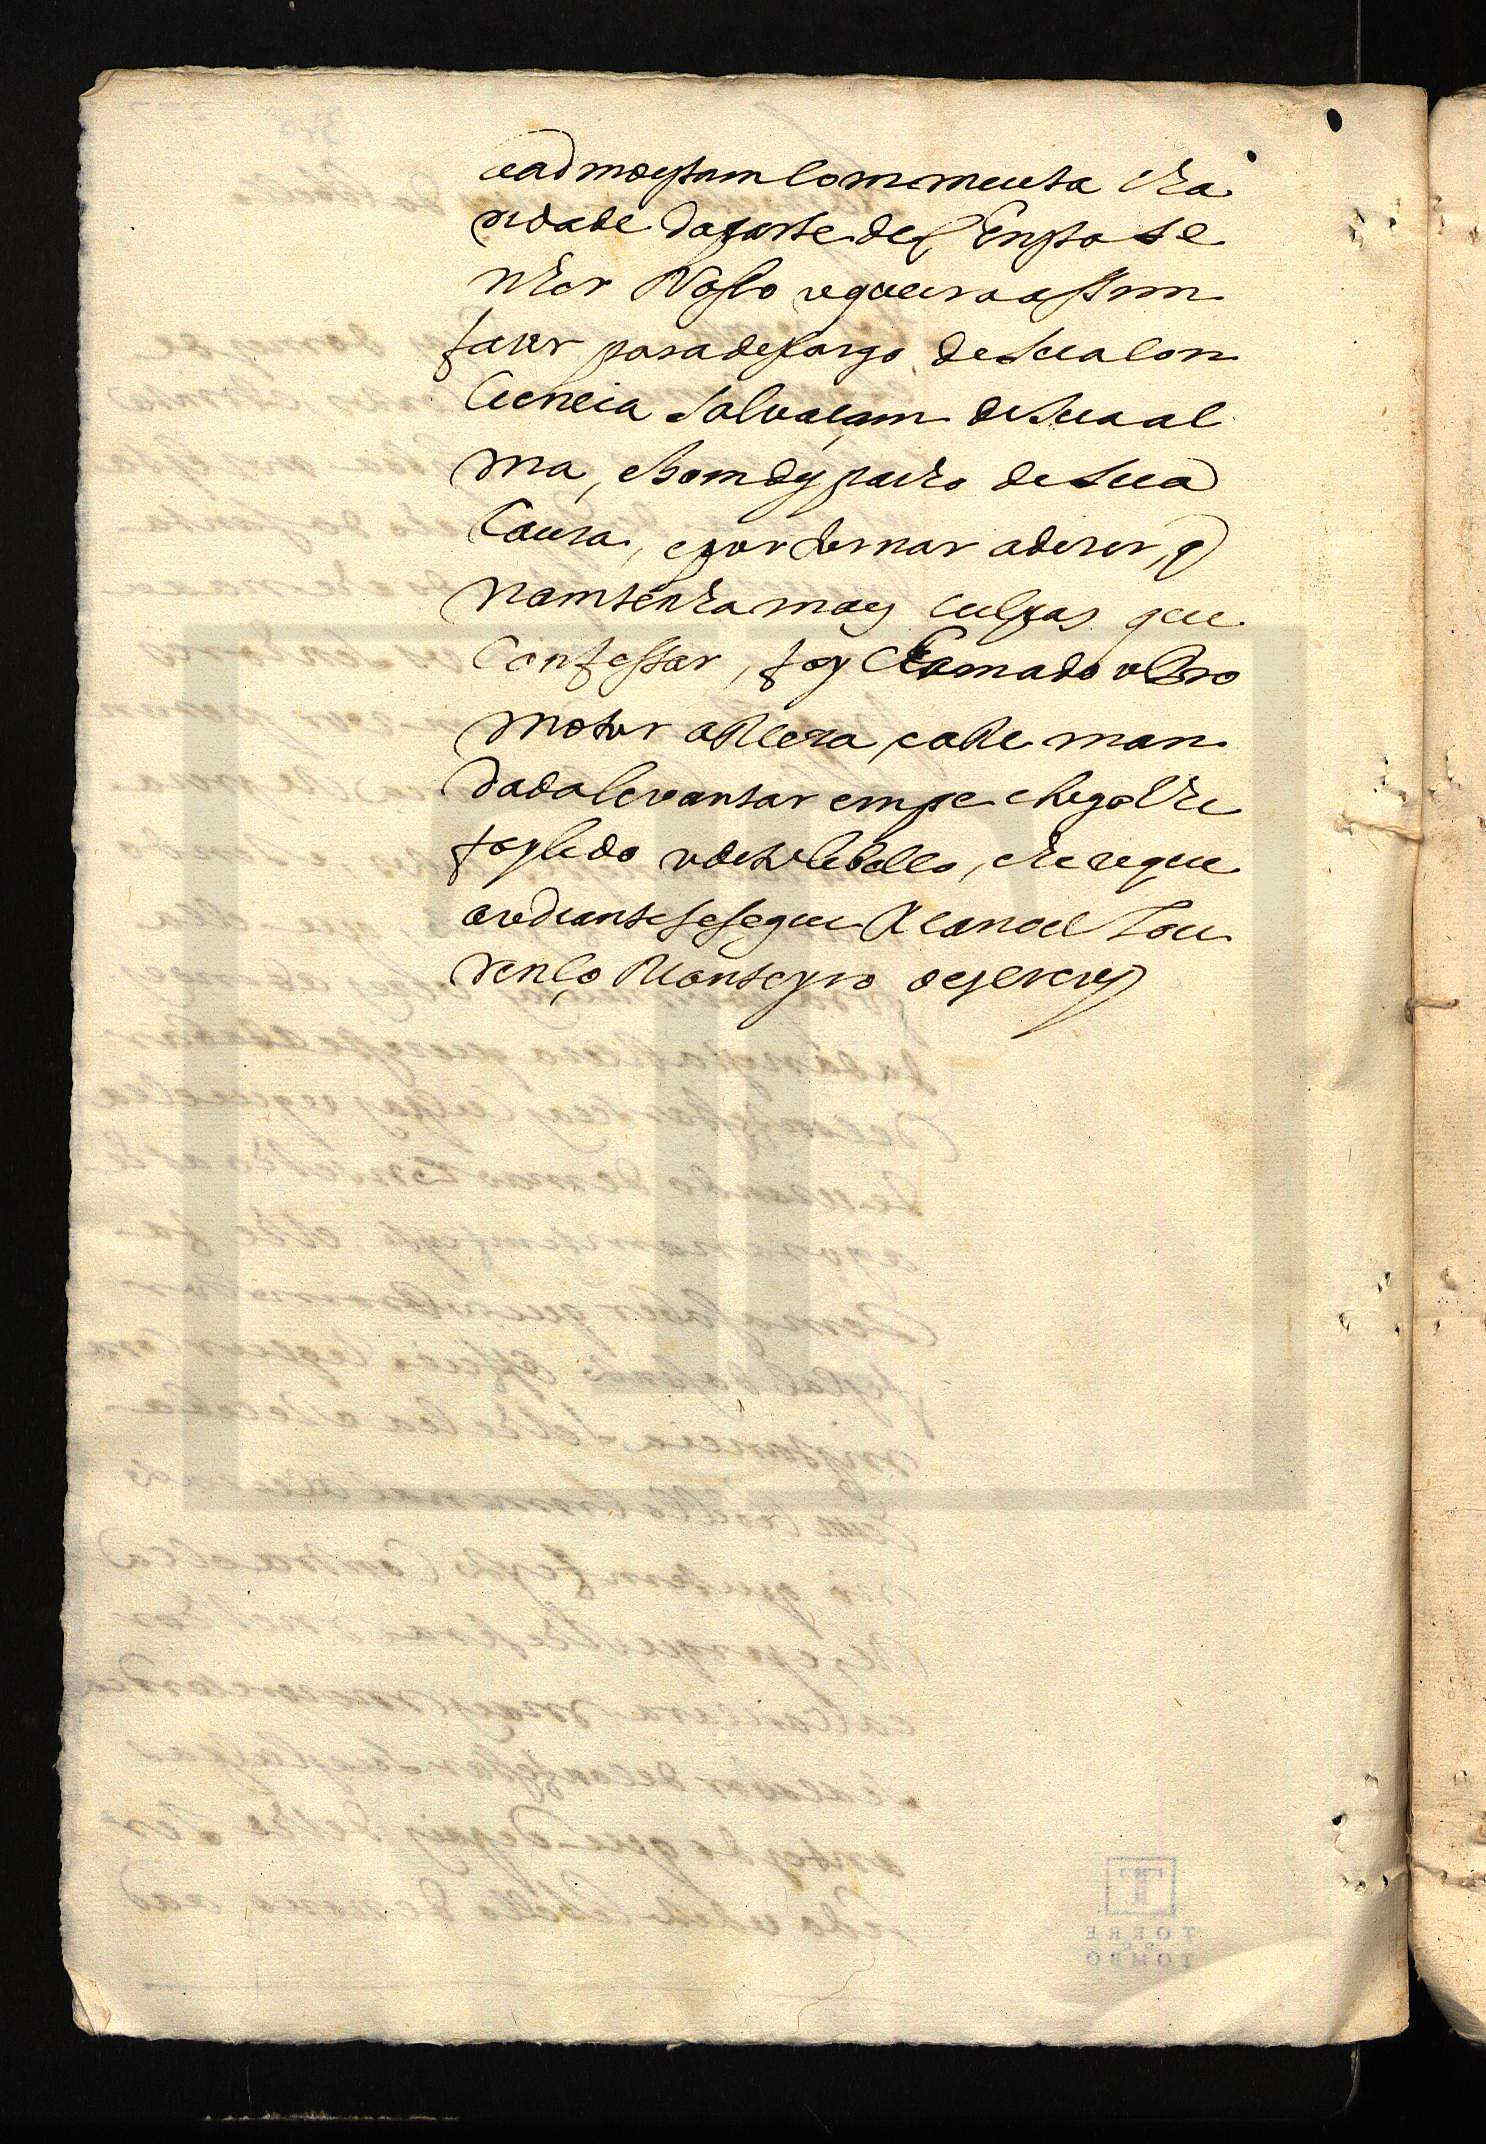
e admoestam com muita cha
ridade da parte de Christo se
nhor Nosso o queira assim
fazer para desCargo de sua con
Ciencia saluaçam de sua al
ma, e bom despacho de sua
Cauza, e por tornar a dizer, q̄
nam tenha maes culpas que
confessar, foy chamado o Pro
motor a Meza, e a Re man
dada levantar em pe e logo lhe
foy lido o dito lebello, e he o que
aodiante se segue Manoel Lou
renÇo Monteyro o escrevj
